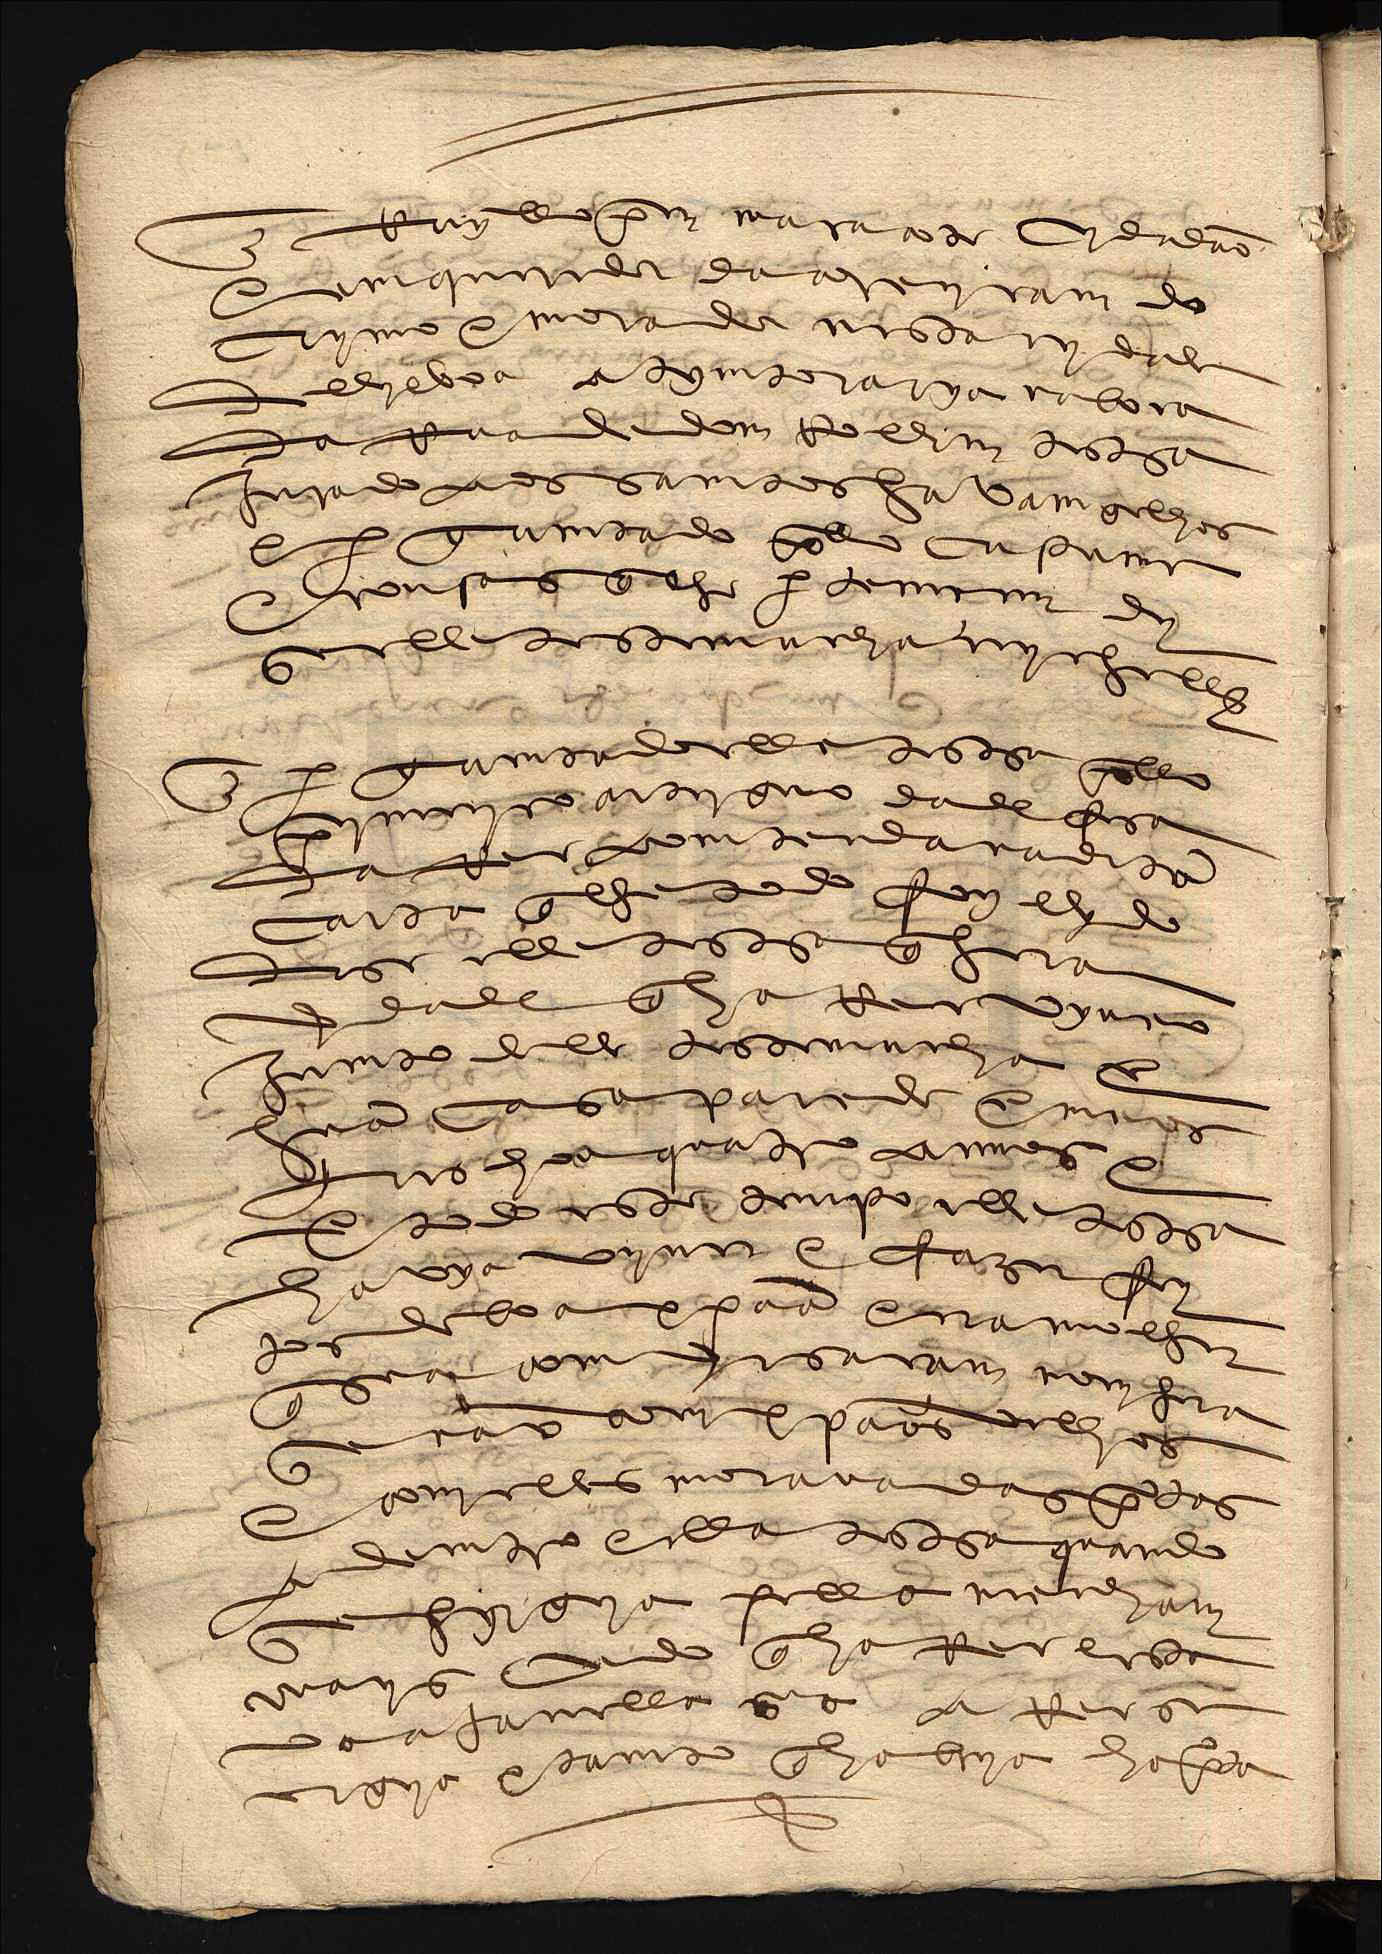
item Ruy llop̄ez maracote Cydadão
e emqueredor da coreycam do
Cryme e morador nesta cydade
de llysboa a tyntorarya na boca
da Rua de dom Rollim testa
Jurado aos samtos havamgelhos
e ꝑgumtado p̄llo Custume
e cousas q̄ lhe ꝑtemçem dy
se elle testemunha nychell
item ꝑgumtado elle testa p̄llo
p̄ymeyro artyguo da defesa
da Ree comteuda na ditā
Carta q̄ lhe todo foy llydo
dise elle testa q̄ hera
ꝟdade q̄ ha Ree vyueo
Jumto delle testemunha ē
huā Casa parede ē meos
tres hou quatro annos e
ē todo este tempo elle testa
ha vya vyuer e fazer fey
tos de boa xpaā e era molher
q̄ sua comvresaçam nom hera
senão com xpãos velhos
e com elles morava das p̄otas
ademtro e ella testa quando
se hyrgya pella menham
mays Cedo q̄ ha Ree e esta
va a Janella sua a Ree se
ergya e tamto q̄ habrya ha p̄ota
